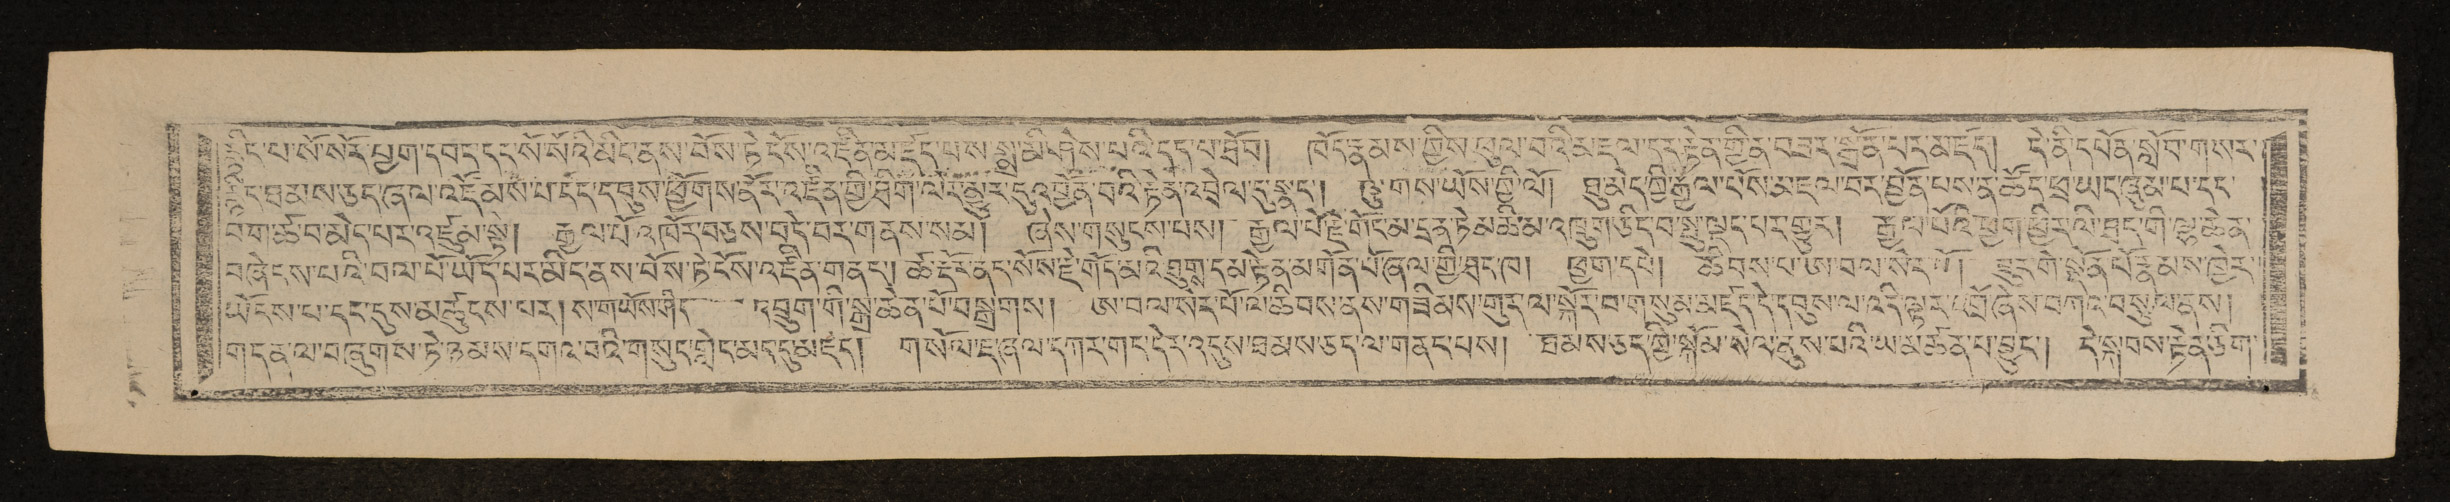རྙིང་པ་སོ་སོར་ཕྱག་དབང་དང་སོ་སོའི་མིང་ནས་བོས་ཏེ་ངོས་འཛིན་མཛད་པས་སྨྲ་མི་ཤེས་པའི་དད་པ་ཐོབ། ཁོང་རྣམས་ཀྱིས་ཕུལ་བའི་མཇལ་དར་རྟེན་གྱི་ན་བཟར་སྒྲོན་པར་མཛད། དེ་ནི་དཔོན་སློབ་གསར་
རྙིང་ཐམས་ཅད་ཞལ་འཛོམས་པ་དང་དབུས་ཕྱོགས་ནོར་འཛིན་གྱི་ཐིག་ལེར་མྱུར་དུ་འབྱོན་པའི་རྟེན་འབྲེལ་དུ་སྣང་། ལྕགས་ཡོས་ཀྱི་ལོ། ཐུ་མེད་ཀྱི་རྒྱལ་པོས་མཇལ་བར་བྱོན་པས་ན་ཚོད་ཕྲ་ཡང་ཞུམ་བ་དང་
བག་ཚ་བ་མེད་པར་འཛུམ་སྟེ། རྒྱལ་པོ་འཁོར་བཅས་བདེ་བར་གནས་སམ། ཞེས་གསུངས་པས། རྒྱལ་པོ་རྗེ་གོང་མ་དྲན་ཏེ་མཆི་མ་འཁྲུག་ཅིང་བ་སྤུ་ལྡང་པར་གྱུར། རྒྱལ་པོའི་ཕྱག་ཕྱིར་ལི་ཐང་གི་ལྷ་ཆེན་
བཞེངས་པའི་བལ་པོ་ཡོད་པར་མིང་ནས་བོས་ཏེ་ངོས་འཛིན་གནང་། ཚ་རྡོར་ནང་སོས་རྗེ་གོང་མའི་ཐུགས་དམ་རྟེན་མགོན་པོ་ཞལ་གྱི་ཐད་ཁ། ཕྱག་དཔེ། ཆིབས་པ་ཨ་བལ་སེར་པོ། ཟུར་ག་སྔོན་པོ་རྣམས་ཁྱེར་
ཡོངས་པ་དང་དུས་མཚུངས་པར། ས་གཡོས་ཤིང་འབྲུག་གི་སྒྲ་ཆེན་པོ་བསྒྲགས། ཨ་བལ་སེར་པོ་ལ་ཆིབས་ནས་གཟིམས་གུར་ལ་སྐོར་བ་གསུམ་མཛད་དེ་དབུས་ལ་འདི་ལྟར་འགྲོ་ཞེས་བཀའ་བསྩལ་ནས།
གདན་ལ་བཞུགས་ཏེ་ཉམས་དགའ་བའི་གསུང་གླེང་མང་དུ་མཛད། གསོལ་ཇ་ཞལ་དཀར་གང་དེར་འདུས་ཐམས་ཅད་ལ་གནང་བས། ཐམས་ཅད་ཀྱི་སྐོམ་སེལ་ནུས་པའི་ཡ་མཚན་པ་བྱུང་། དེ་སྐབས་རྟེན་ཅིག་